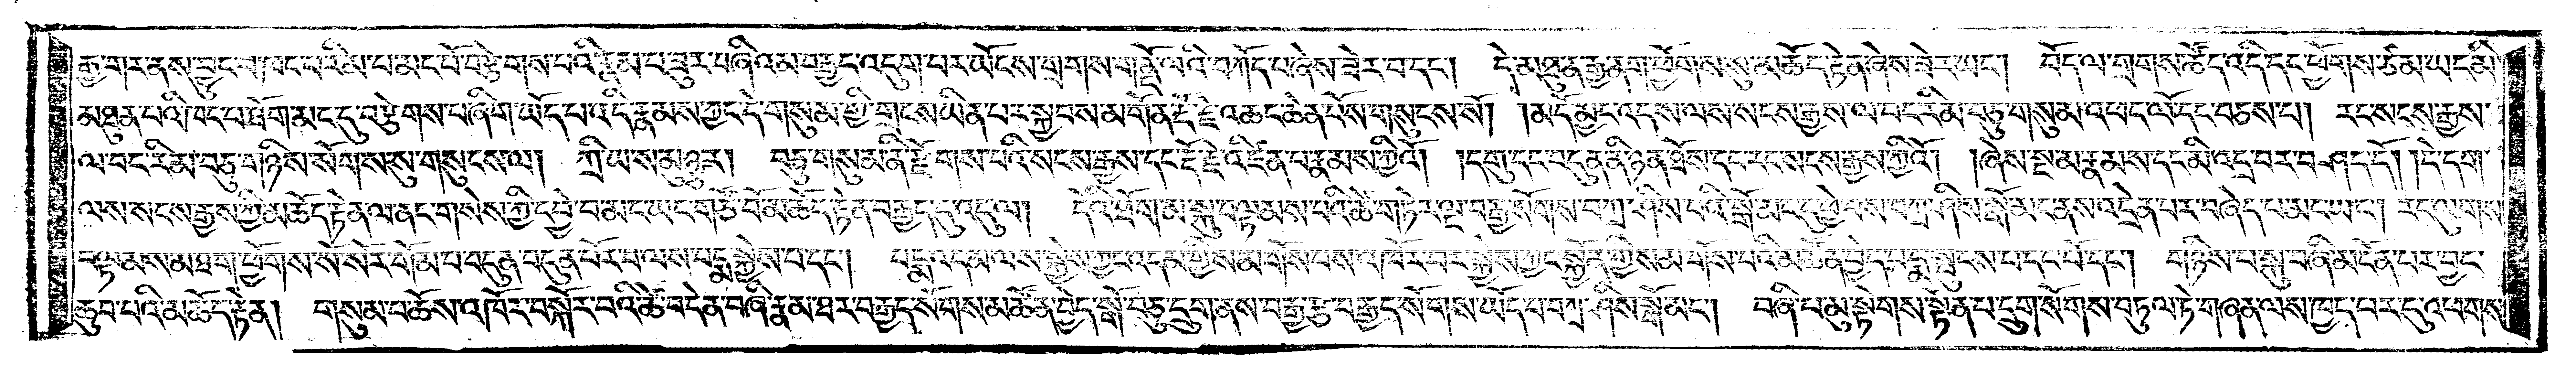རྒྱ་གར་ནས་བྱུང་བ་ཁང་པ་རིམ་པ་མང་པོ་བརྩེགས་པའི་རྣམ་བ་ཟུར་བཞིའམ་བརྒྱད་འདུག་པར་ཡོངས་གྲགས་གནྡོ་ལའི་བཀོད་པ་ཞེས་ཟེར་བ་དང་། དེ་མཐུན་རྒྱ་ནག་ཕྱོགས་སུ་མཆོད་རྟེན་ཞེས་ཟེར་ཡང་། བོད་ལ་གྲགས་ཚོད་འདི་དང་ཕྱོགས་ཙམ་ཡང་མི་
མཐུན་པའི་ཁང་པ་ཐོག་མང་དུ་བརྩེགས་པ་ཞིག་ཡོད་པ་འདི་རྣམས་ཀྱང་དེ་གསུམ་གྱི་གྲངས་ཡིན་པར་སྐྱབས་མགོན་རྡོ་རྗེ་འཆང་ཆེན་པོས་གསུངས་སོ། །མདོ་མྱང་འདས་ལས་སངས་རྒྱས་ལ་བང་རིམ་བཅུ་གསུམ་འཕད་ལོ་དང་བཅས་པ། རང་སངས་རྒྱས་
ལ་བང་རིམ་བཅུ་གཉིས་སོགས་སུ་གསུངས་ལ། ཀྲི་ཡས་མུཉྩར། བཅུ་གསུམ་ནི་རྫོགས་པའི་སངས་རྒྱས་དང་རྡོ་རྗེ་འཛིན་པ་རྣམས་ཀྱིའོ། །དགུ་དང་བདུན་ནི་ཉན་ཐོས་དང་རང་སངས་རྒྱས་ཀྱིའོ། །ཞེས་སྔ་མ་རྣམས་དང་མི་འདྲ་བར་བཤད་དོ། །དེ་དག་
ལས་སངས་རྒྱས་ཀྱི་མཆོད་རྟེན་ལ་ནང་གསེས་ཀྱི་དབྱེ་བ་མང་ཡང་གཙོ་བོ་མཆོད་རྟེན་བརྒྱད་དུ་འདུ་ལ། དེའི་ཐོག་མ་སྐུ་བལྟམས་པའི་ཚེ་གཏེར་ལྔ་བརྒྱ་སོགས་བཀྲ་ཤིས་པའི་སྒོ་མང་དུ་ཕྱེ་བས་བཀྲ་ཤིས་སྒོ་མང་ནས་འདྲེན་པར་བཞེད་པ་མང་ཡང་། རང་ལུགས་
བལྟམས་མཐག་ཕྱོགས་སོ་སོར་གོམ་བ་བདུན་བདུན་པོར་བ་ལས་པདམ་སྐྱེས་བ་དང་། པདམ་འདམ་ལས་སྐྱེས་ཀྱང་འདམ་གྱིས་མགོས་བས་འཁོར་བར་སྐྱེས་ཀྱང་སྐྱོན་གྱིས་མ་གོས་པའི་མཚོན་བྱེད་པདམ་སྤུངས་པ་དང་པོ་དང་། གཉིས་པ་སྐུ་བཞི་མངོན་པར་བྱང་
ཆུབ་པའི་མཆོད་རྟེན། གསུམ་བ་ཆོས་འཁོར་བསྐོར་བའི་ཚེ་བདེན་བཞི་རྣམ་ཐར་བརྒྱད་སོགས་མཚོན་བྱེད་སྒོ་བཅུ་དྲུག་ནས་བརྒྱ་རྩ་བརྒྱད་སོགས་ཡོད་པ་བཀྲ་ཤིས་སྒོ་མང་། བཞི་བ་མུ་སྟེགས་སྟོན་པ་དྲུག་སོགས་བཏུལ་ཏེ་གཞན་ལས་ཁྱད་པར་དུ་འཕགས་